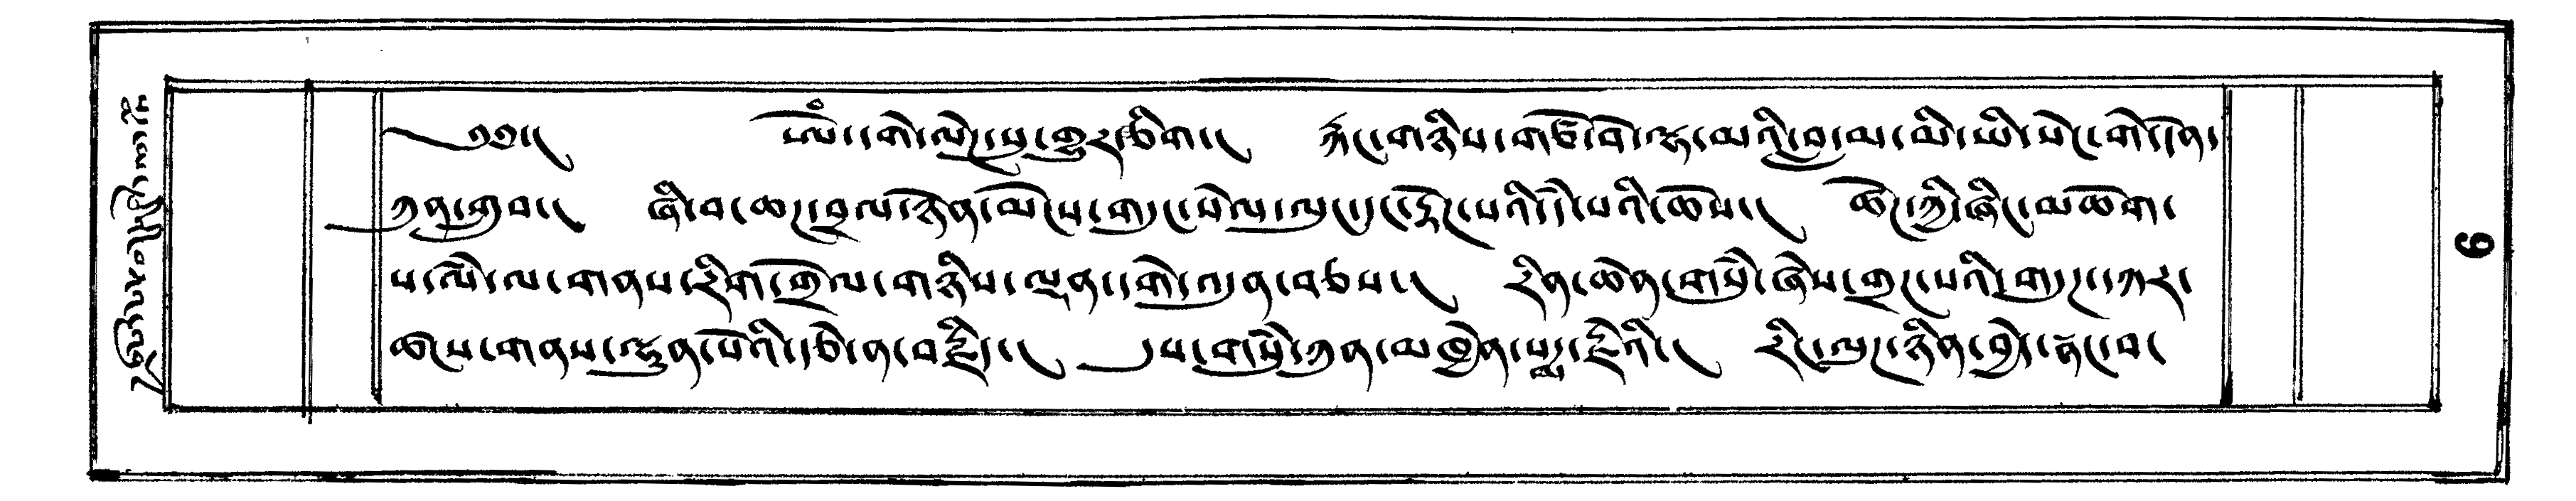ཨོཾ་དགེ་ལེགས་སུ་གྱུར་ཅིག རྐང་གཉིས་གཙོ་བོ་ལྷ་མིའི་བླ་མ་མི་ཡི་སེང་གེ་དོན་
ཀུན་གྲུབ། །ཞི་བ་ཆགས་བྲལ་ཉོན་མོངས་གདུང་སེལ་ལུང་དང་རྟོགས་པའི་དམ་པའི་ཆོས། །ཚོགས་ཀྱི་ཞིང་མཆོག་
ས་ལམ་ལ་གནས་རིག་གྲོལ་གཉིས་ལྡན་དགེ་འདུན་བཅས། །རིན་ཆེན་གསུམ་ཞེས་གྲགས་པའི་གདུགས་དཀར་
ཚངས་གནས་ལྷུན་པོའི་རྩེ་ན་བརྗིད། །དུས་གསུམ་ཀུན་མཁྱེན་པདྨ་རྗེའི། །རིང་ལུགས་ཉིན་བྱེད་སྣང་བ་